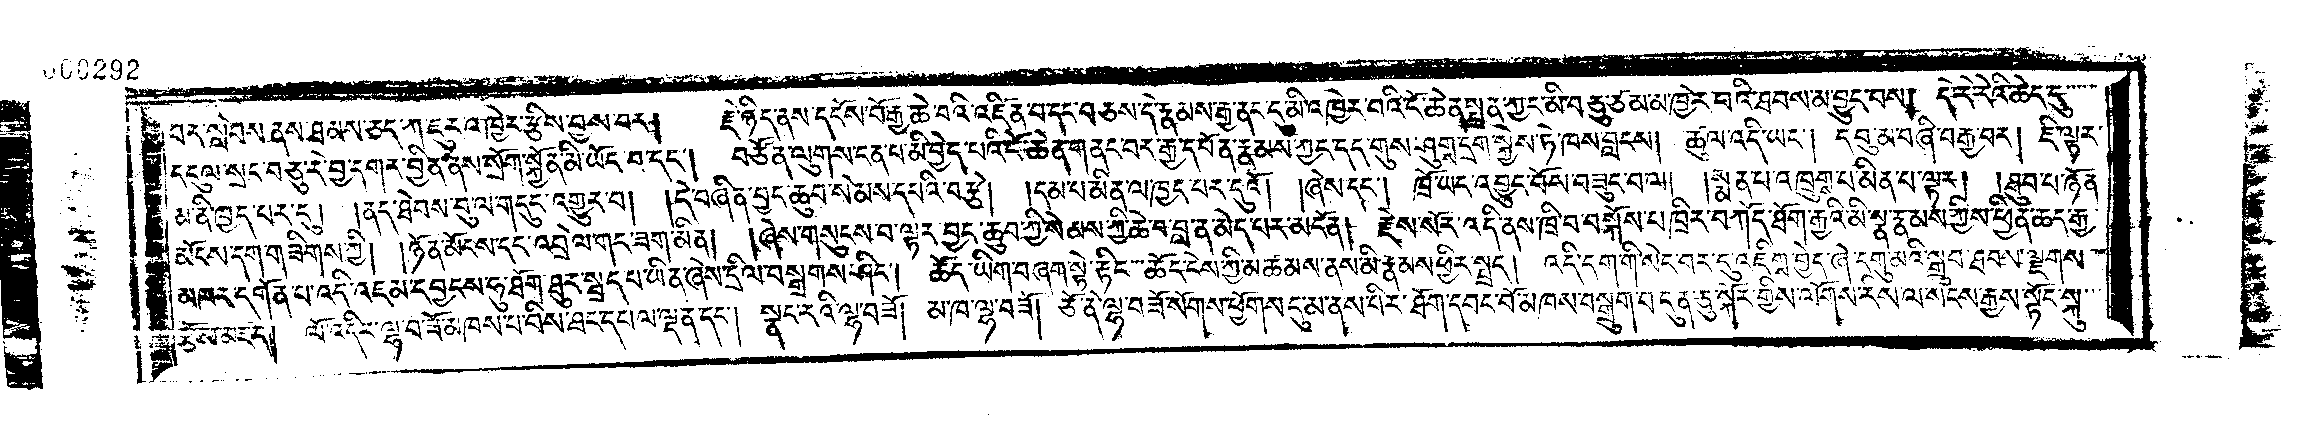པར་སླེབས་ནས་ཐམས་ཅད་ཀ་ཇུར་འཁྱེར་རྩིས་བྱས་པར། རྗེ་ཉིད་ནས་དངོས་པོ་རྒྱ་ཆེ་བའི་འཛིན་པ་དང་བཅས་དེ་རྣམས་རྒྱ་ནང་དུ་མི་འཁྱེར་བའི་ངོ་ཆེན་སྦྲན་ཀྱང་མི་བཅུ་ཙམ་མ་ཁྱེར་བའི་ཐབས་མ་བྱུང་བས། དེ་རེ་རེའི་ཆེད་དུ་
དངུལ་སྲང་བཅུ་རེ་བྱ་དགར་བྱིན་ནས་སྲོག་སྐྱོན་མི་ཡོང་བ་དང་། བཙོན་ལུགས་ངན་པ་མི་བྱེད་པའི་ངོ་ཆེན་གནང་བར་རྒྱུ་དཔོན་རྣམས་ཀྱང་དད་གུས་ཤུགས་དྲག་སྐྱེས་ཏེ་ཁས་བླངས། ཚུལ་འདི་ཡང་། དབུ་མ་བཞི་བརྒྱ་པར། ཇི་ལྟར་
མ་ནི་ཁྱད་པར་དུ། །ནད་ཐེབས་བུ་ལ་གདུང་འགྱུར་བ། །དེ་བཞིན་བྱང་ཆུབ་སེམས་དཔའི་བརྩེ། །དམ་པ་མིན་ལ་ཁྱད་པར་དུའོ། །ཞེས་དང་། ཁྲོ་ཡང་འབྱུང་པོས་བཟུང་བ་ལ། །སྨན་པ་འཁྲུགས་པ་མིན་པ་ལྟར། །ཐུབ་པ་ཉོན་
མོངས་དག་གཟིགས་ཀྱི། །ཉོན་མོངས་དང་འབྲེལ་གང་ཟག་མིན། །ཞེས་གསུངས་པ་ལྟར་བྱང་ཆུབ་ཀྱི་སེམས་ཀྱི་ཆེ་བ་བླ་ན་མེད་པར་མངོན། རྗེས་སོར་འདི་ནས་ཁྲི་བ་བསྐོས་པ་ཁྲིང་བཀོད་ཐོག་རྒྱའི་མི་སྣ་རྣམས་ཀྱིས་ཕྱིན་ཆད་རྒྱ་
མཁར་དགོན་པ་འདི་འཇམ་དབྱངས་ཧུ་ཐོག་ཐུར་སྤྲད་པ་ཡིན་ཞེས་དྲིལ་བསྒྲགས་ཤིང་། ཆོད་ཡིག་བཞག་སྟེ་རྟིང་ཆོད་ངེས་ཀྱི་མཚམས་ནས་མི་རྣམས་ཕྱིར་སྤྲད། འདི་དག་གི་སེང་བར་དུ་འཇིགས་བྱེད་ཞེ་དགུ་མའི་སྒྲུབ་ཐབས་ལྗགས་
རྩོམ་མཛད། ལོ་འདིར་ལྷ་བཟོ་མཁས་པ་བིས་ཐང་དཔལ་ལྡན་དང་། སྣང་རའི་ལྷ་བཟོ། མ་ཁ་ལྷ་བཟོ། ཅོ་ནེ་ལྷ་བཟོ་སོགས་ཕྱོགས་དུ་མ་ནས་པིར་ཐོག་དབང་པོ་མཁས་བསྒྲུབ་བདུན་ཅུ་སྐོར་གྱིས་ལོགས་རིས་ལ་སངས་རྒྱས་སྟོང་སྐུ་